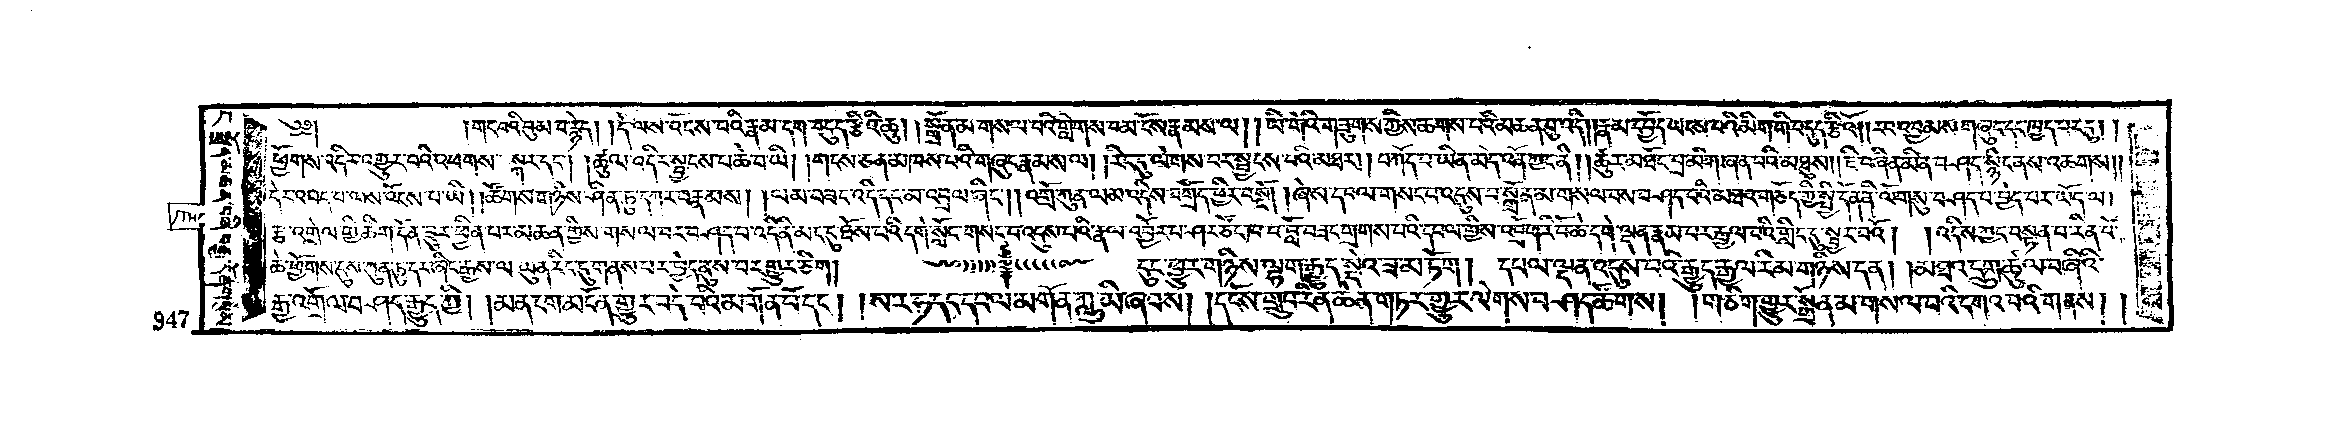༄༅། །གང་བའི་བུམ་བརྙེད། །དེ་ལས་འོངས་བའི་རྣམ་དག་བདུད་རྩིའི་ཆུ། །སྒྲོན་མ་གསལ་བའི་གླེགས་བམ་ངོས་རྣམས་ལ། །ཡི་གེའི་གཟུགས་ཀྱིས་ཆགས་པའི་མཚན་བུ་འདི། །རྣམ་དཔྱོད་མངས་པའི་མིག་གི་བདུད་རྩིའོ། །རབ་འབྱམས་གཞུང་དང་ཁྱད་པར་དུ། །
ཕྱོགས་འདིར་འགྱུར་བའི་འཕགས་སྐར་དང་། །ཚུལ་འདིར་སྦྱངས་པ་ཆེ་བ་ཡི། །གངས་ཅན་མཁས་པའི་གཞུང་རྣམས་ལ། །རིང་དུ་ལེགས་པར་སྦྱངས་བའི་མཐར། །བཀད་པ་ཡིན་མེད་འོན་ཀྱང་ནི། །ཚུར་མཐོང་བྲ་མིག་ཞན་པའི་མཐུས། །ཇི་བཞིན་མིན་བཤད་སྙིང་ནས་འཆགས།།
དེར་འབད་པ་ལས་འོངས་པ་ཡི། །ཚོགས་གཉིས་ཤིན་ཏུ་དཀར་བ་རྣམས། །ལམ་བཟང་འདི་དང་མ་འབྲལ་ཞིང་། །འགྲོ་ཀུན་ལམ་འདིས་བགྲོད་ཕྱིར་བསྔོ། །ཞེས་དཔལ་གསང་བ་འདུས་པ་སྒྲོན་མ་གསལ་བས་བཤད་པའི་མཐའ་གཅོད་ཀྱི་སྤྱི་དོན་ནི་ལོགས་སུ་བཤད་པ་བྱེད་པར་ཡོད་ལ།
རྩ་འགྲེལ་གྱི་ཚིག་དོན་ཟུར་ཕྱིན་པར་མཚན་གྱིས་གསལ་བར་བཤད་པ་འདི་ནི་མང་དུ་ཐོས་པའི་དགེ་སློང་གསང་བ་འདུས་པའི་རྣལ་འབྱོར་པ་ཤར་ཙོང་ཁ་པ་བློ་བཟང་གྲགས་པའི་དཔལ་གྱིས་འབྲོག་རི་བོ་ཆེ་དགེ་ལྡན་རྣམ་པར་རྒྱལ་བའི་གླིང་དུ་སྦྱར་བའོ། །འདིས་ཀྱང་བསྟན་པ་རིན་པོ་
ཆེ་ཕྱོགས་དུས་ཀུན་ཏུ་དར་ཞིང་རྒྱས་ལ་ཡུན་རིང་དུ་གནས་པར་བྱེད་ནུས་པར་གྱུར་ཅིག ༈ དུང་ཕྱུར་གཉིས་ལྷག་རྒྱུད་སྡེའི་ཟ་མ་ཏོག །དཔལ་ལྡན་འདུས་པའི་རྒྱུད་རྒྱལ་རིམ་གཉིས་དོན། །མཐའ་དྲུག་ཚུལ་བཞིའི་
རྒྱ་འགྲོལ་བཤད་རྒྱུད་ཀྱི། །མན་ངག་མངོན་གྱུར་བདེ་བའི་མགོན་པོ་དང་། །ས་ར་ཧ་དང་དཔལ་མགོན་ཀླུ་ཡི་ཞབས། །དངོས་གྲུབ་རིན་ཆེན་གཏར་གྱུར་ལེགས་བཤད་ཚོགས། །གཅིག་གྱུར་སྒྲོན་མ་གསལ་བའི་དགའ་བའི་གནས། །